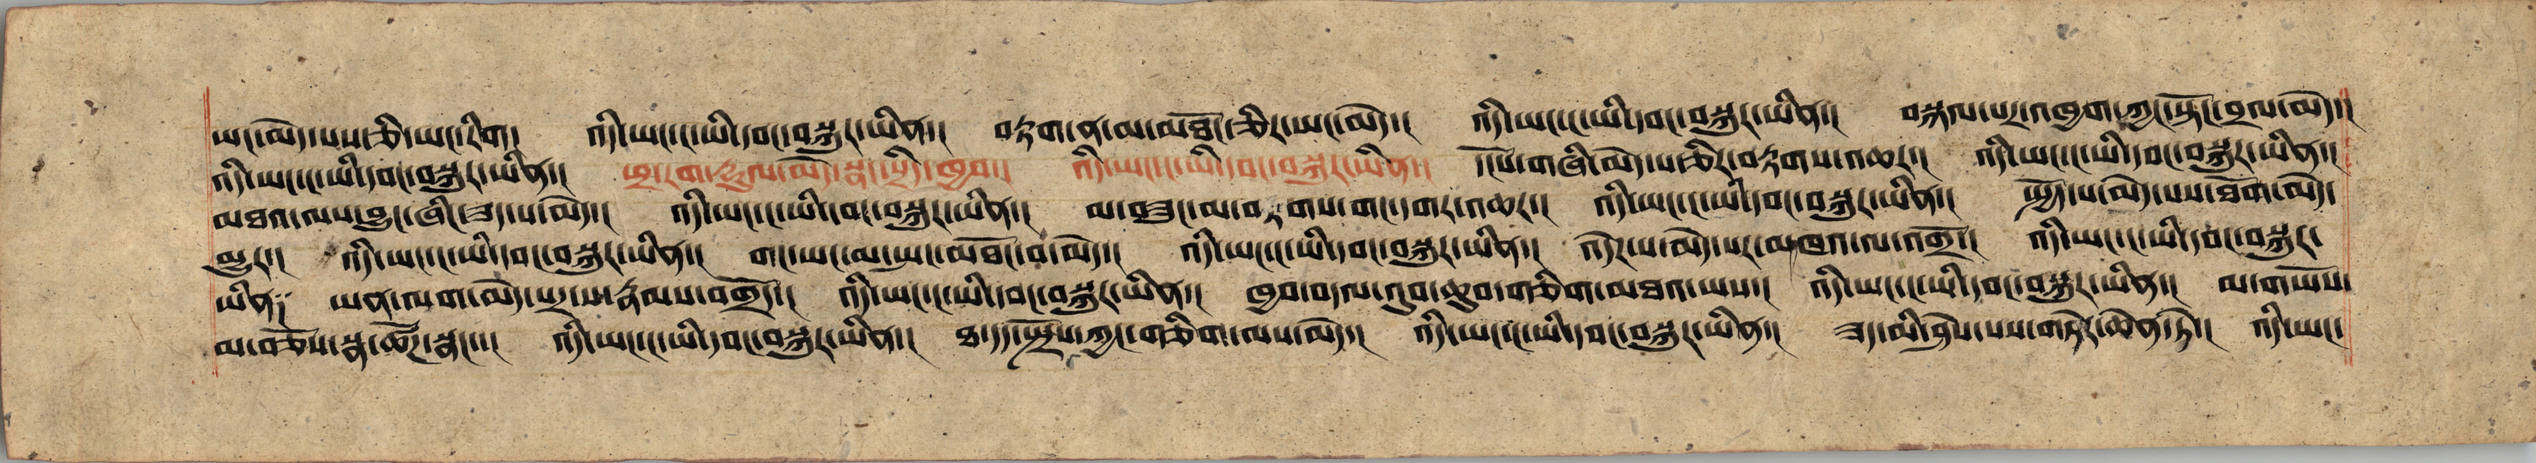ཡང་མེད་པས་ཅི་ཡང་རིག། འདི་ཡང་ང་ཡི་དབང་བསྐུར་ཡིན་། བརྟག་ན་མ་མཐོང་ཅིར་ཡང་མེད་། འདི་ཡང་ང་ཡི་དབང་བསྐུར་ཡིན་། བསྐལ་པར་འཁྱག་ཀྱང་སྟོང་བྲལ་མེད་།
འདི་ཡང་ང་ཡི་དབང་བསྐུར་ཡིན་། ཕྲ་རག་རྡུལ་མེད་སྣང་སྲིདཁྱབ་། འདི་ཡང་ང་ཡི་དབང་བསྐུར་ཡིན་། དངོས་གཞི་མེད་པ་ཅིར་བརྟགས་འཆར་། འདི་ཡང་ང་ཡི་དབང་བསྐུར་ཡིན་།
མཐའ་ལས་བྱུང་ཞིང་ཟད་པ་མེད་། འདི་ཡང་ང་ཡི་དབང་བསྐུར་ཡིན་། མ་བཟུང་མ་བརྟགས་གང་དགར་འཆར་། འདི་ཡང་ང་ཡི་དབང་བསྐུར་ཡིན་། སྤྱོད་པ་མེད་པས་ཐོག་མེད་
མྱུར་། འདི་ཡང་ང་ཡི་དབང་བསྐུར་ཡིན་། གང་ཡང་མ་སྤང་མཐོང་བ་མེད་། འདི་ཡང་ང་ཡི་དབང་བསྐུར་ཡིན་། འདེཌ་པ་མེད་པར་མཁའ་ལ་འགྲོ་། འདི་ཡང་ང་ཡི་དབང་བསྐུར་
ཡིན༑ ཡན་ལག་མེད་པར་ས་རྣམས་བགྲོད་། འདི་ཡང་ང་ཡི་དབང་བསྐུར་ཡིན་། ཁྱབ་བདལ་འུབ་ཆུབ་གཅིག་མཐའ་ཡས་། འདི་ཡང་ང་ཡི་དབང་བསྐུར་ཡིན་། མ་གཡོས་
མ་བཅོས་སྣ་ཚོཌ་སྣང་་། འདི་ཡང་ང་ཡི་དབང་བསྐུར་ཡིན་། ཐ་དད་སྤྲོས་ཀྱང་གཅིག་ལས་མེད་། འདི་ཡང་ང་ཡི་དབང་བསྐུར་ཡིན་། ཟད་མི་ཤེས་པས་གཏེར་ཆེན་ཏེ་། འདི་ཡང་